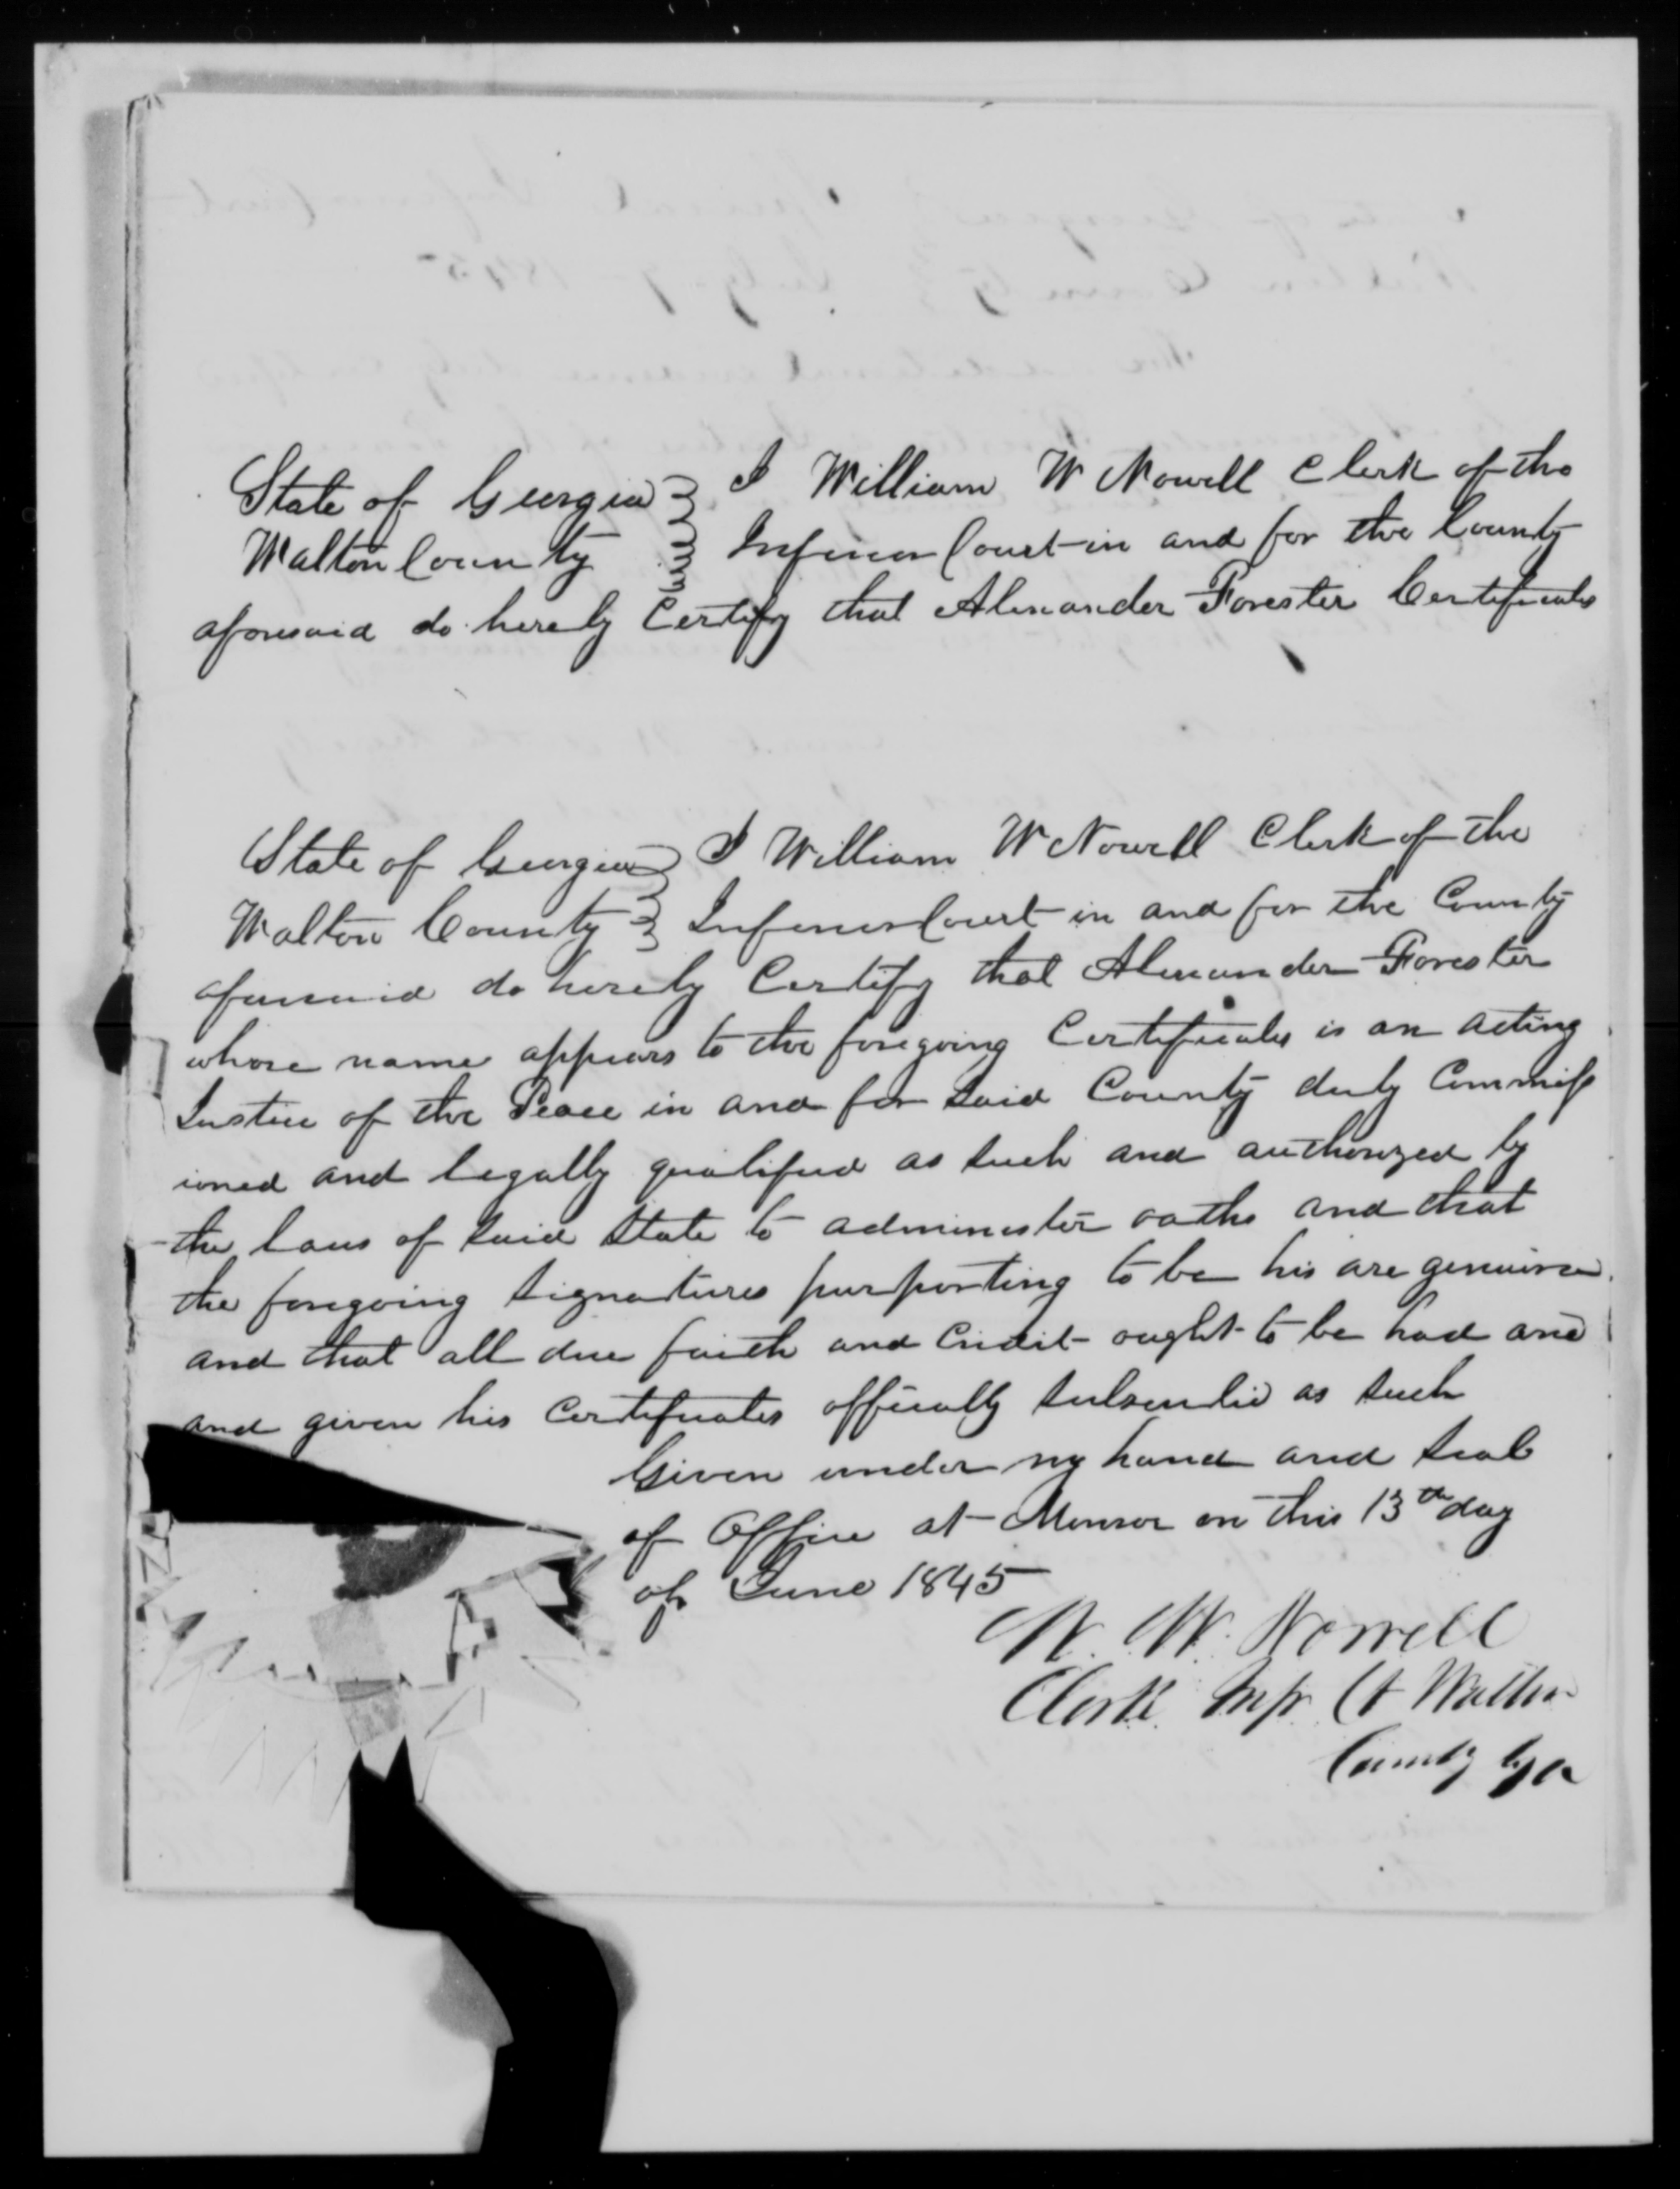State of Georgia
Walton County
I William W Nowell clerk of the Inferior Court in and for the County aforesaid do hereby certify that Alexander Forester Certificates.

State of Georgia
Walton County
 I William W Nowell clerk of the County aforesaid do hereby certify that Alexander Forester whose name appears to the foregoing certificate is an acting Justice of the Peace in and for said county duly commissioned and legally qualified as such and authorized by the Law of said State to administer oaths and that the foregoing signatures purporting to be his are genuine and that all due faith and credit ought to be had and and given his certificates officially subscribed as such
Given under my hand and Seal of Office at Monroe on this 13th day of June 1845
W W Nowell
Clerk Infr Ct Walton County Ga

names: William W Nowell, Alexander Forester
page: 78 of 81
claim: widow's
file: W. 5183, Bolling Wright, Va.